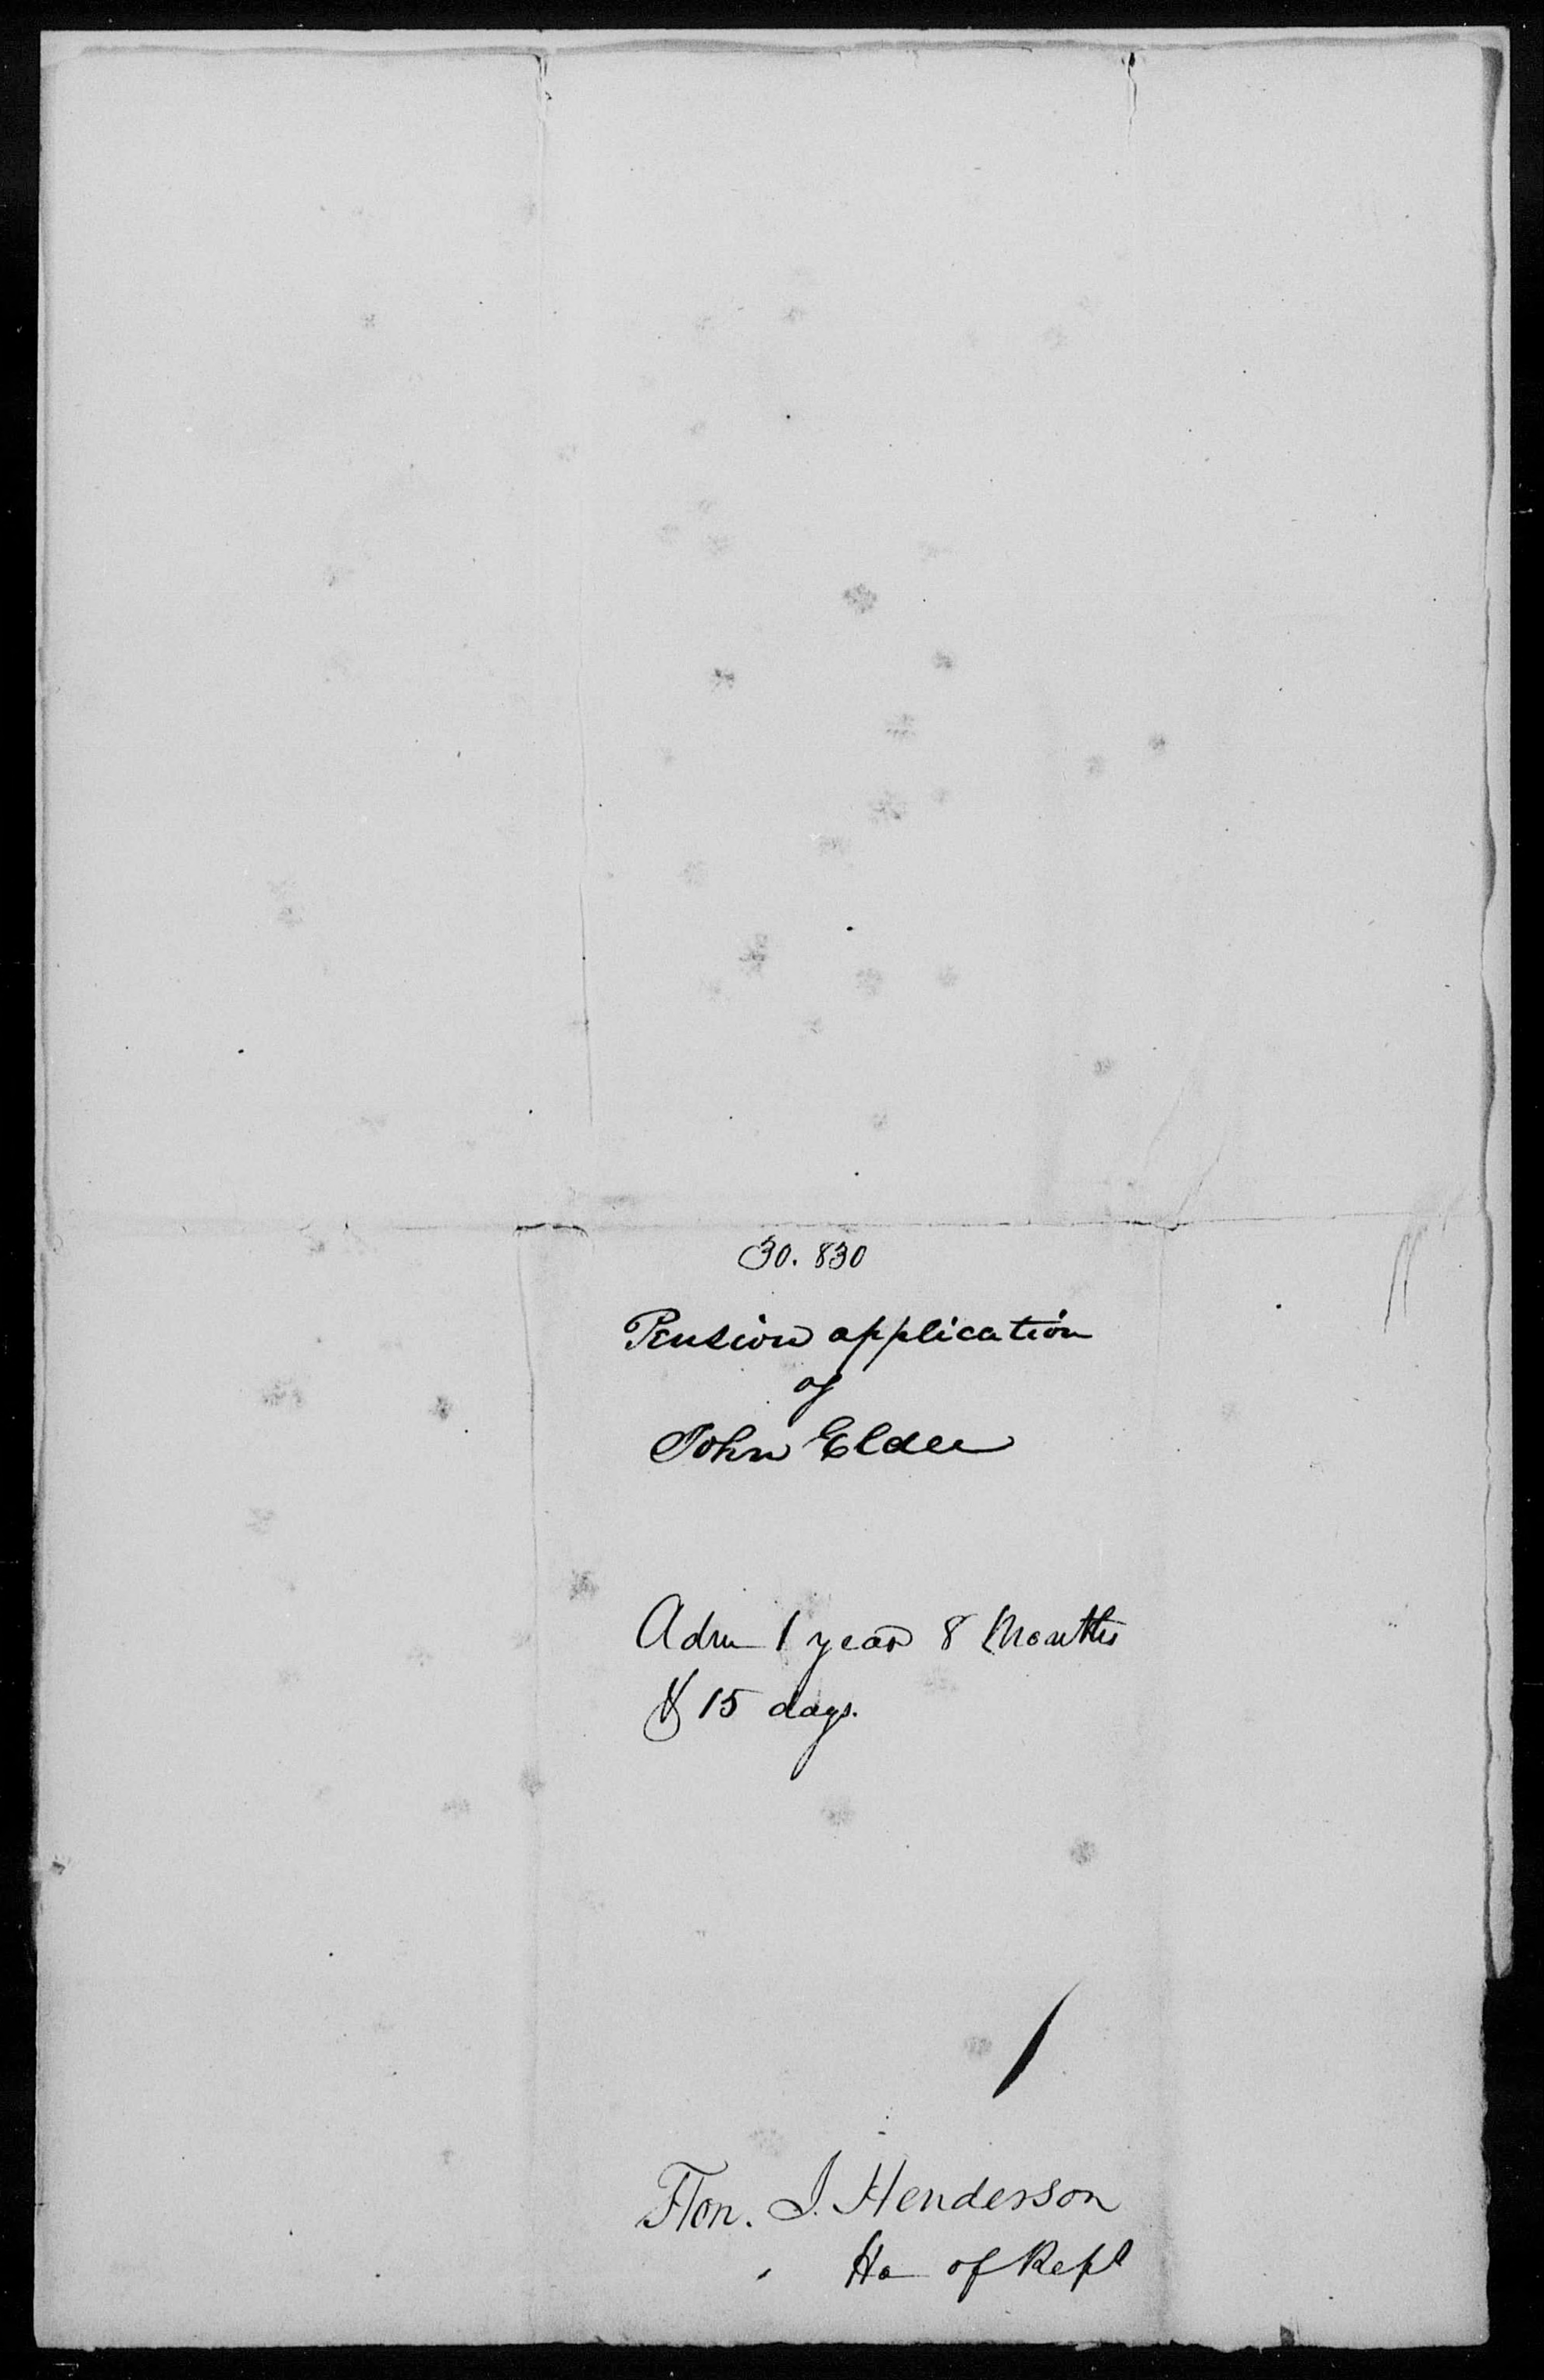30.830
Pension application
of
John Elder

[illegible] 1 year 8 Months
& 15 days.

Hon. J. Henderson
House of Reps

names: J Henderson, John Elder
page: 80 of 80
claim: widow's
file: W. 24117, John Elder, Penn.